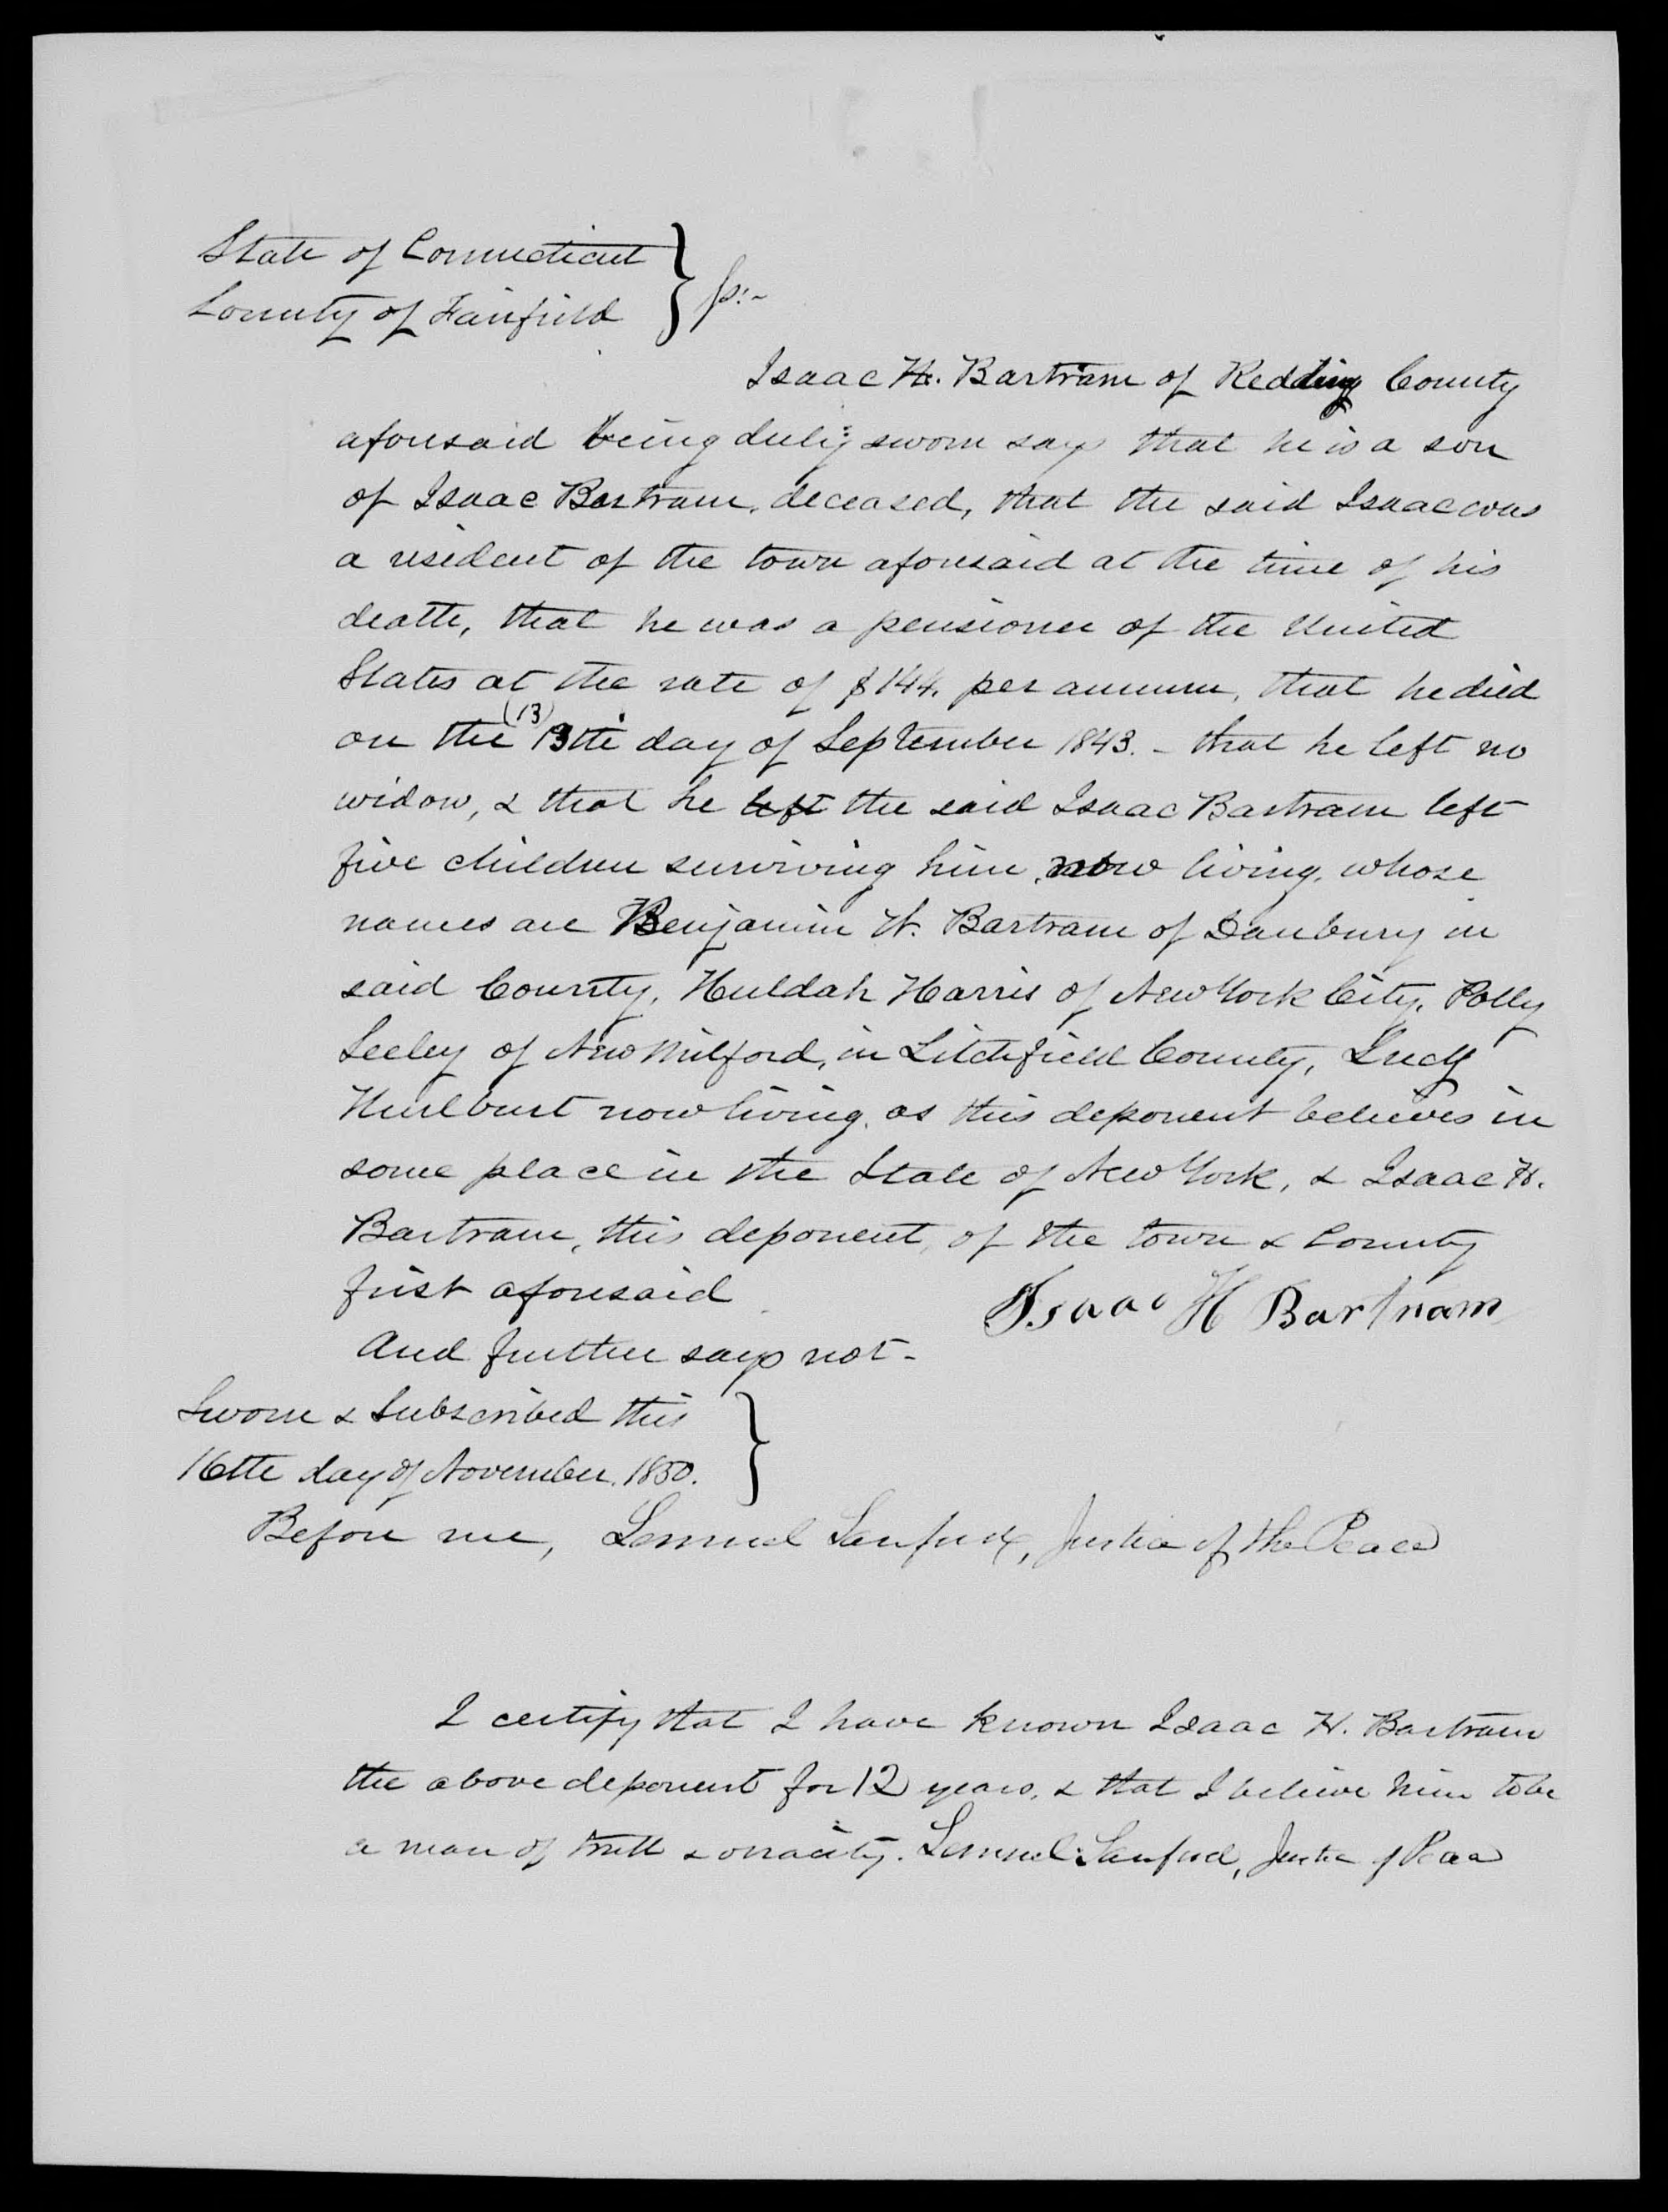State of Connecticut 
County of Fairfield
ss:

Isaac H. Bartram of Redding County
aforesaid being duly sworn says that he is a son
of Isaac Bartram, deceased, that the said Isaac was 
a resident of the town aforesaid at the time of his
death, that he was a pensioner of the United States at the rate of $144. per annum, that he died
on the 13th day of September 1843. that he left no
widow, & that he left the said Isaac Bartram left
five children surviving him now living whose
names are Benjamin W. Bartram of Danbury in
said County, Huldah Harris of New York City, Polly
Seeley of New Milford in Litchfield County, Lucy
Hurlburt now living, as this deponent believes in
some place in the State of New York, & Isaac H
Bartram, this deponent, of the town & County
first aforesaid
And further says not
Isaac H Bartram
Sworn & Subscribed this
16th day of November 1850.
Before me, Lemuel Sanford, Justice of the Peace

I certify that I have known Isaac H. Bartram
the above deponent for 12 years, & that I believe him to be
a man of truth & veracity. Lemuel Sanford, Justice of Peace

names: Isaac Bartram, Lucy Hurlburt, Isaac H Bartram, Lemuel Sanford, Isaac H Bartram, Benjamin W Bartram, Huldah Harris, Polly Seeley, Lemuel Sanford, Isaac H Bartram, Isaac, Isaac Bartram, Isaac H Bartram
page: 13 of 39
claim: survivor's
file: S. 12110, Isaac Bartram, Continental (Conn)